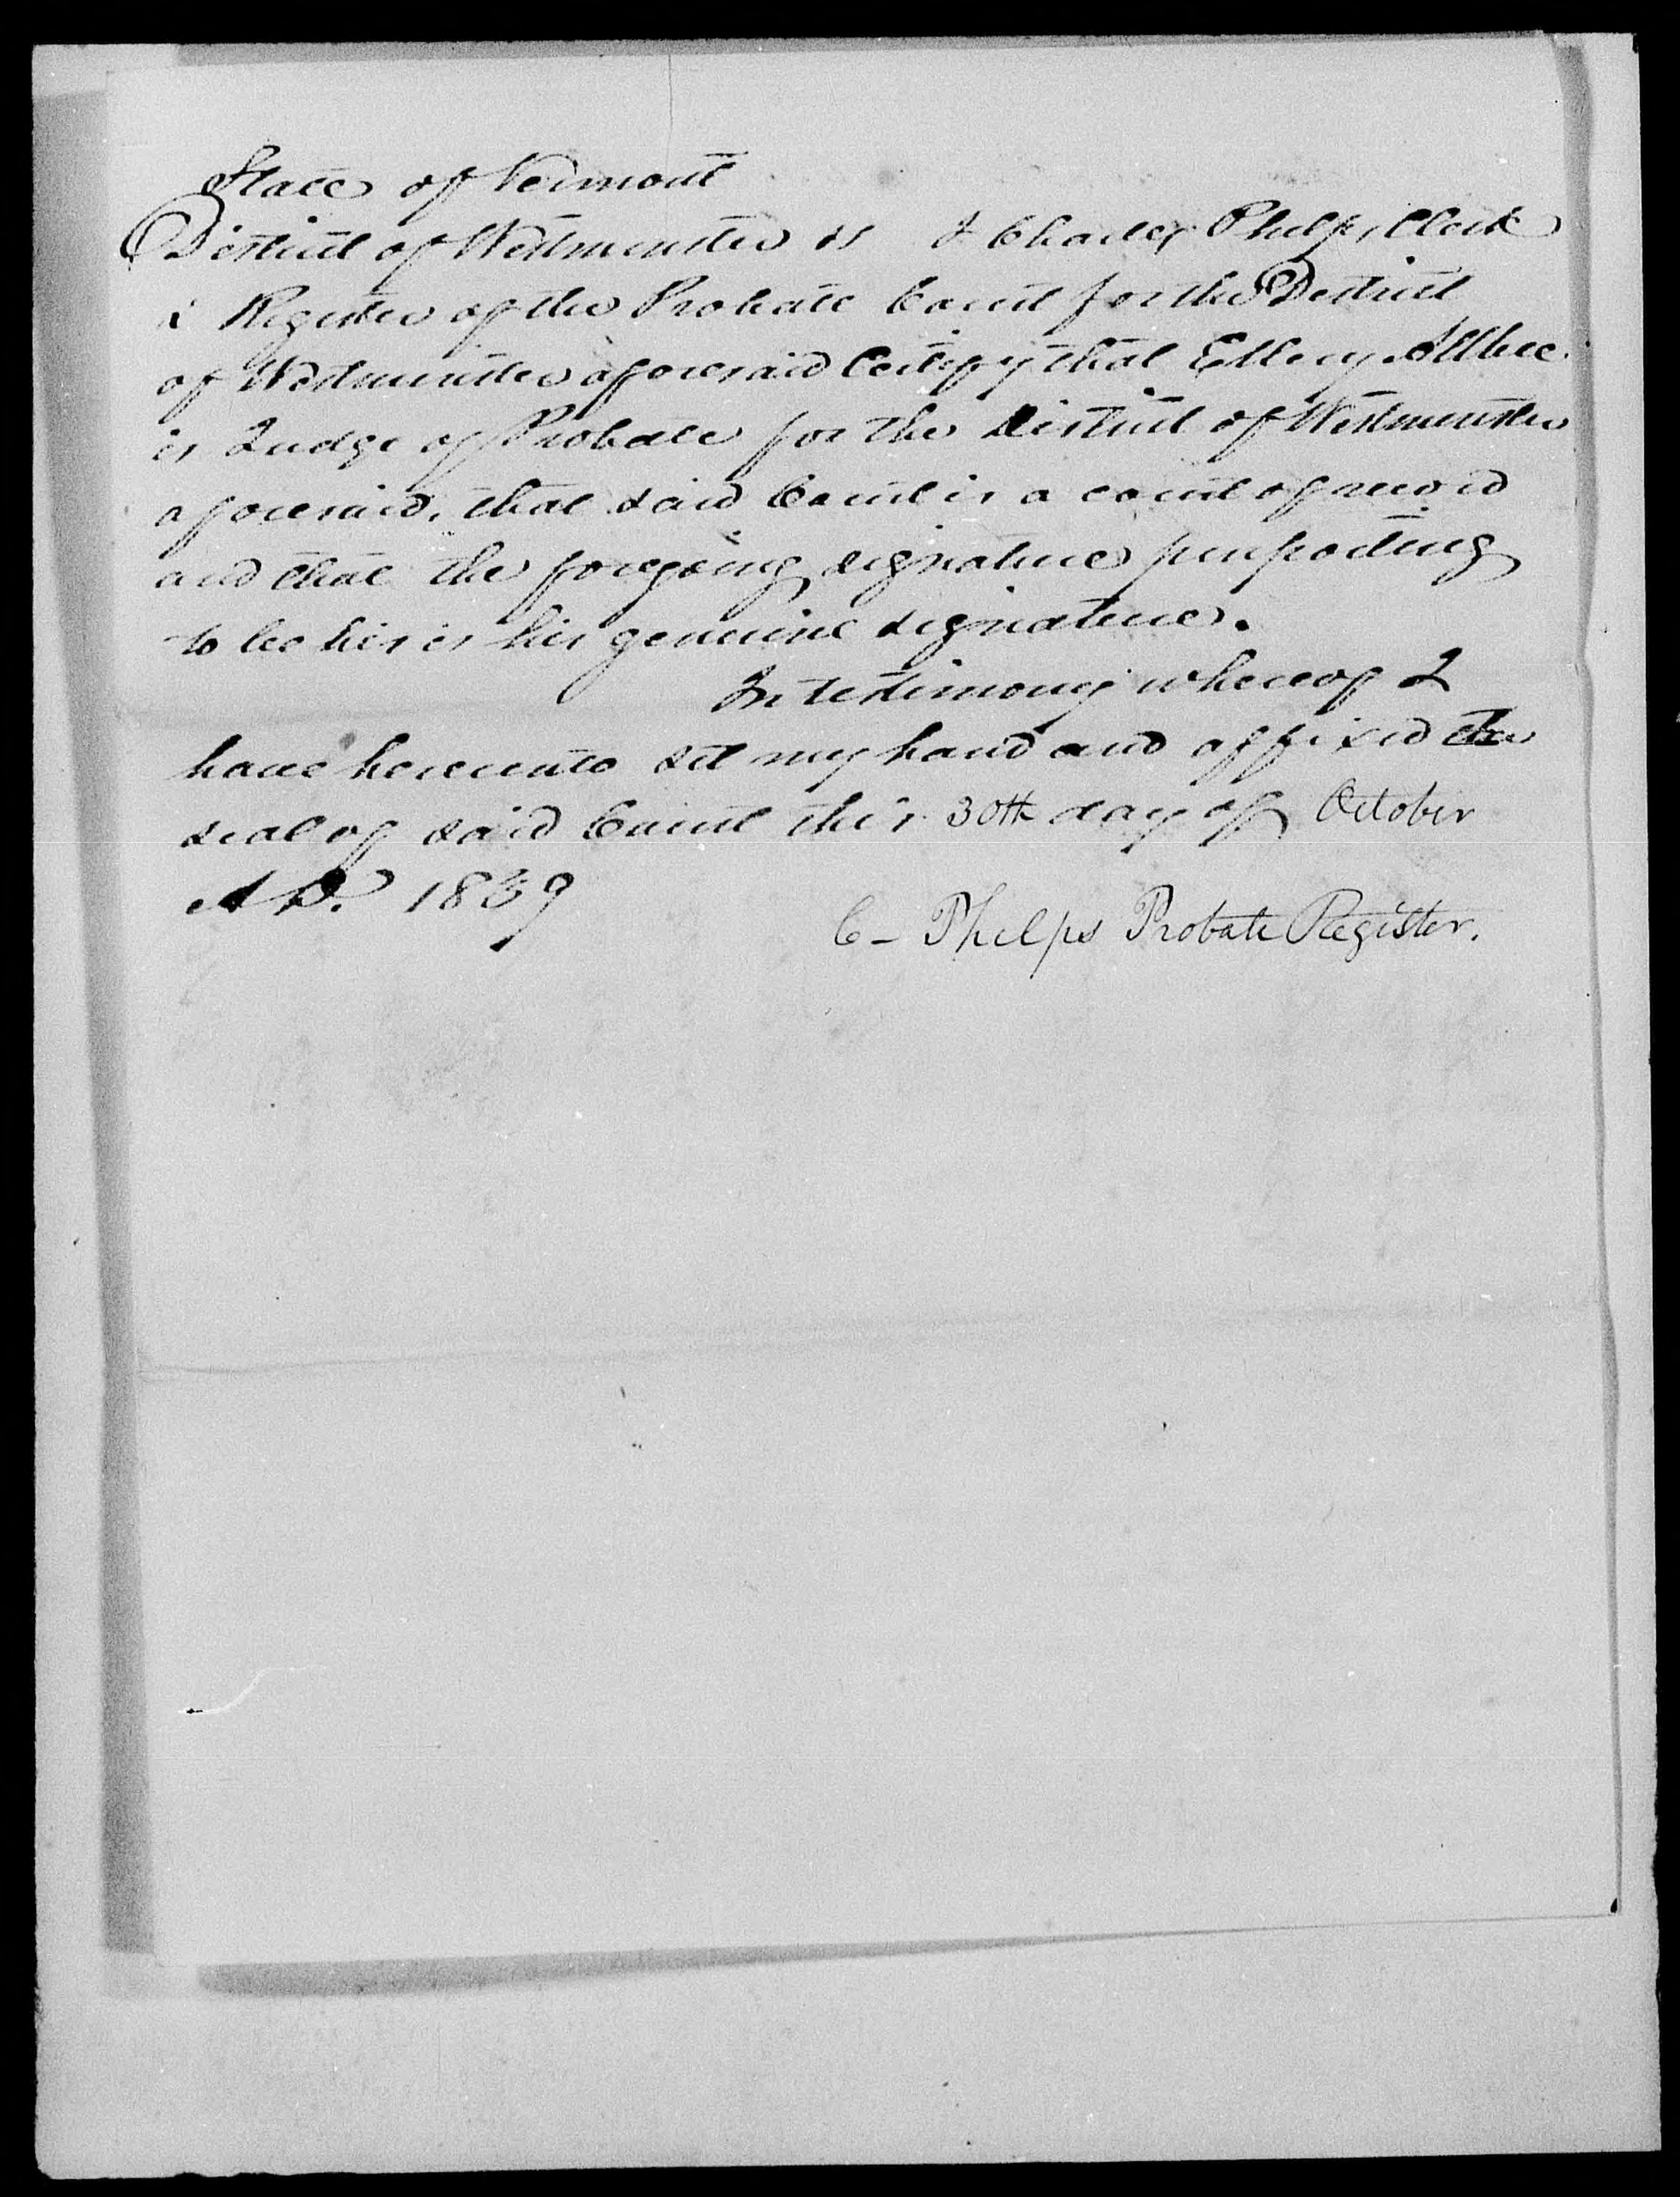State of Vermont
District of Westminster ss. 
I Charles Phelps, Clerk & Register of the Probate Court for the District of Westminster aforesaid Certify that Ellery Albee is Judge of Probate for the District of Westminster aforesaid, that said Court is a court of record and that the foregoing signature purporting to be his is his genuine signature.

In testimony whereof I have hereunto set my hand and affixed the seal of said Court this 30th day of October A.D. 1869

C. Phelps Probate Register.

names: C Phelps, Ellery Allbee, Charles Phelps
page: 19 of 26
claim: widow's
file: W. 25619, Gamaliel Gerald, Mass.